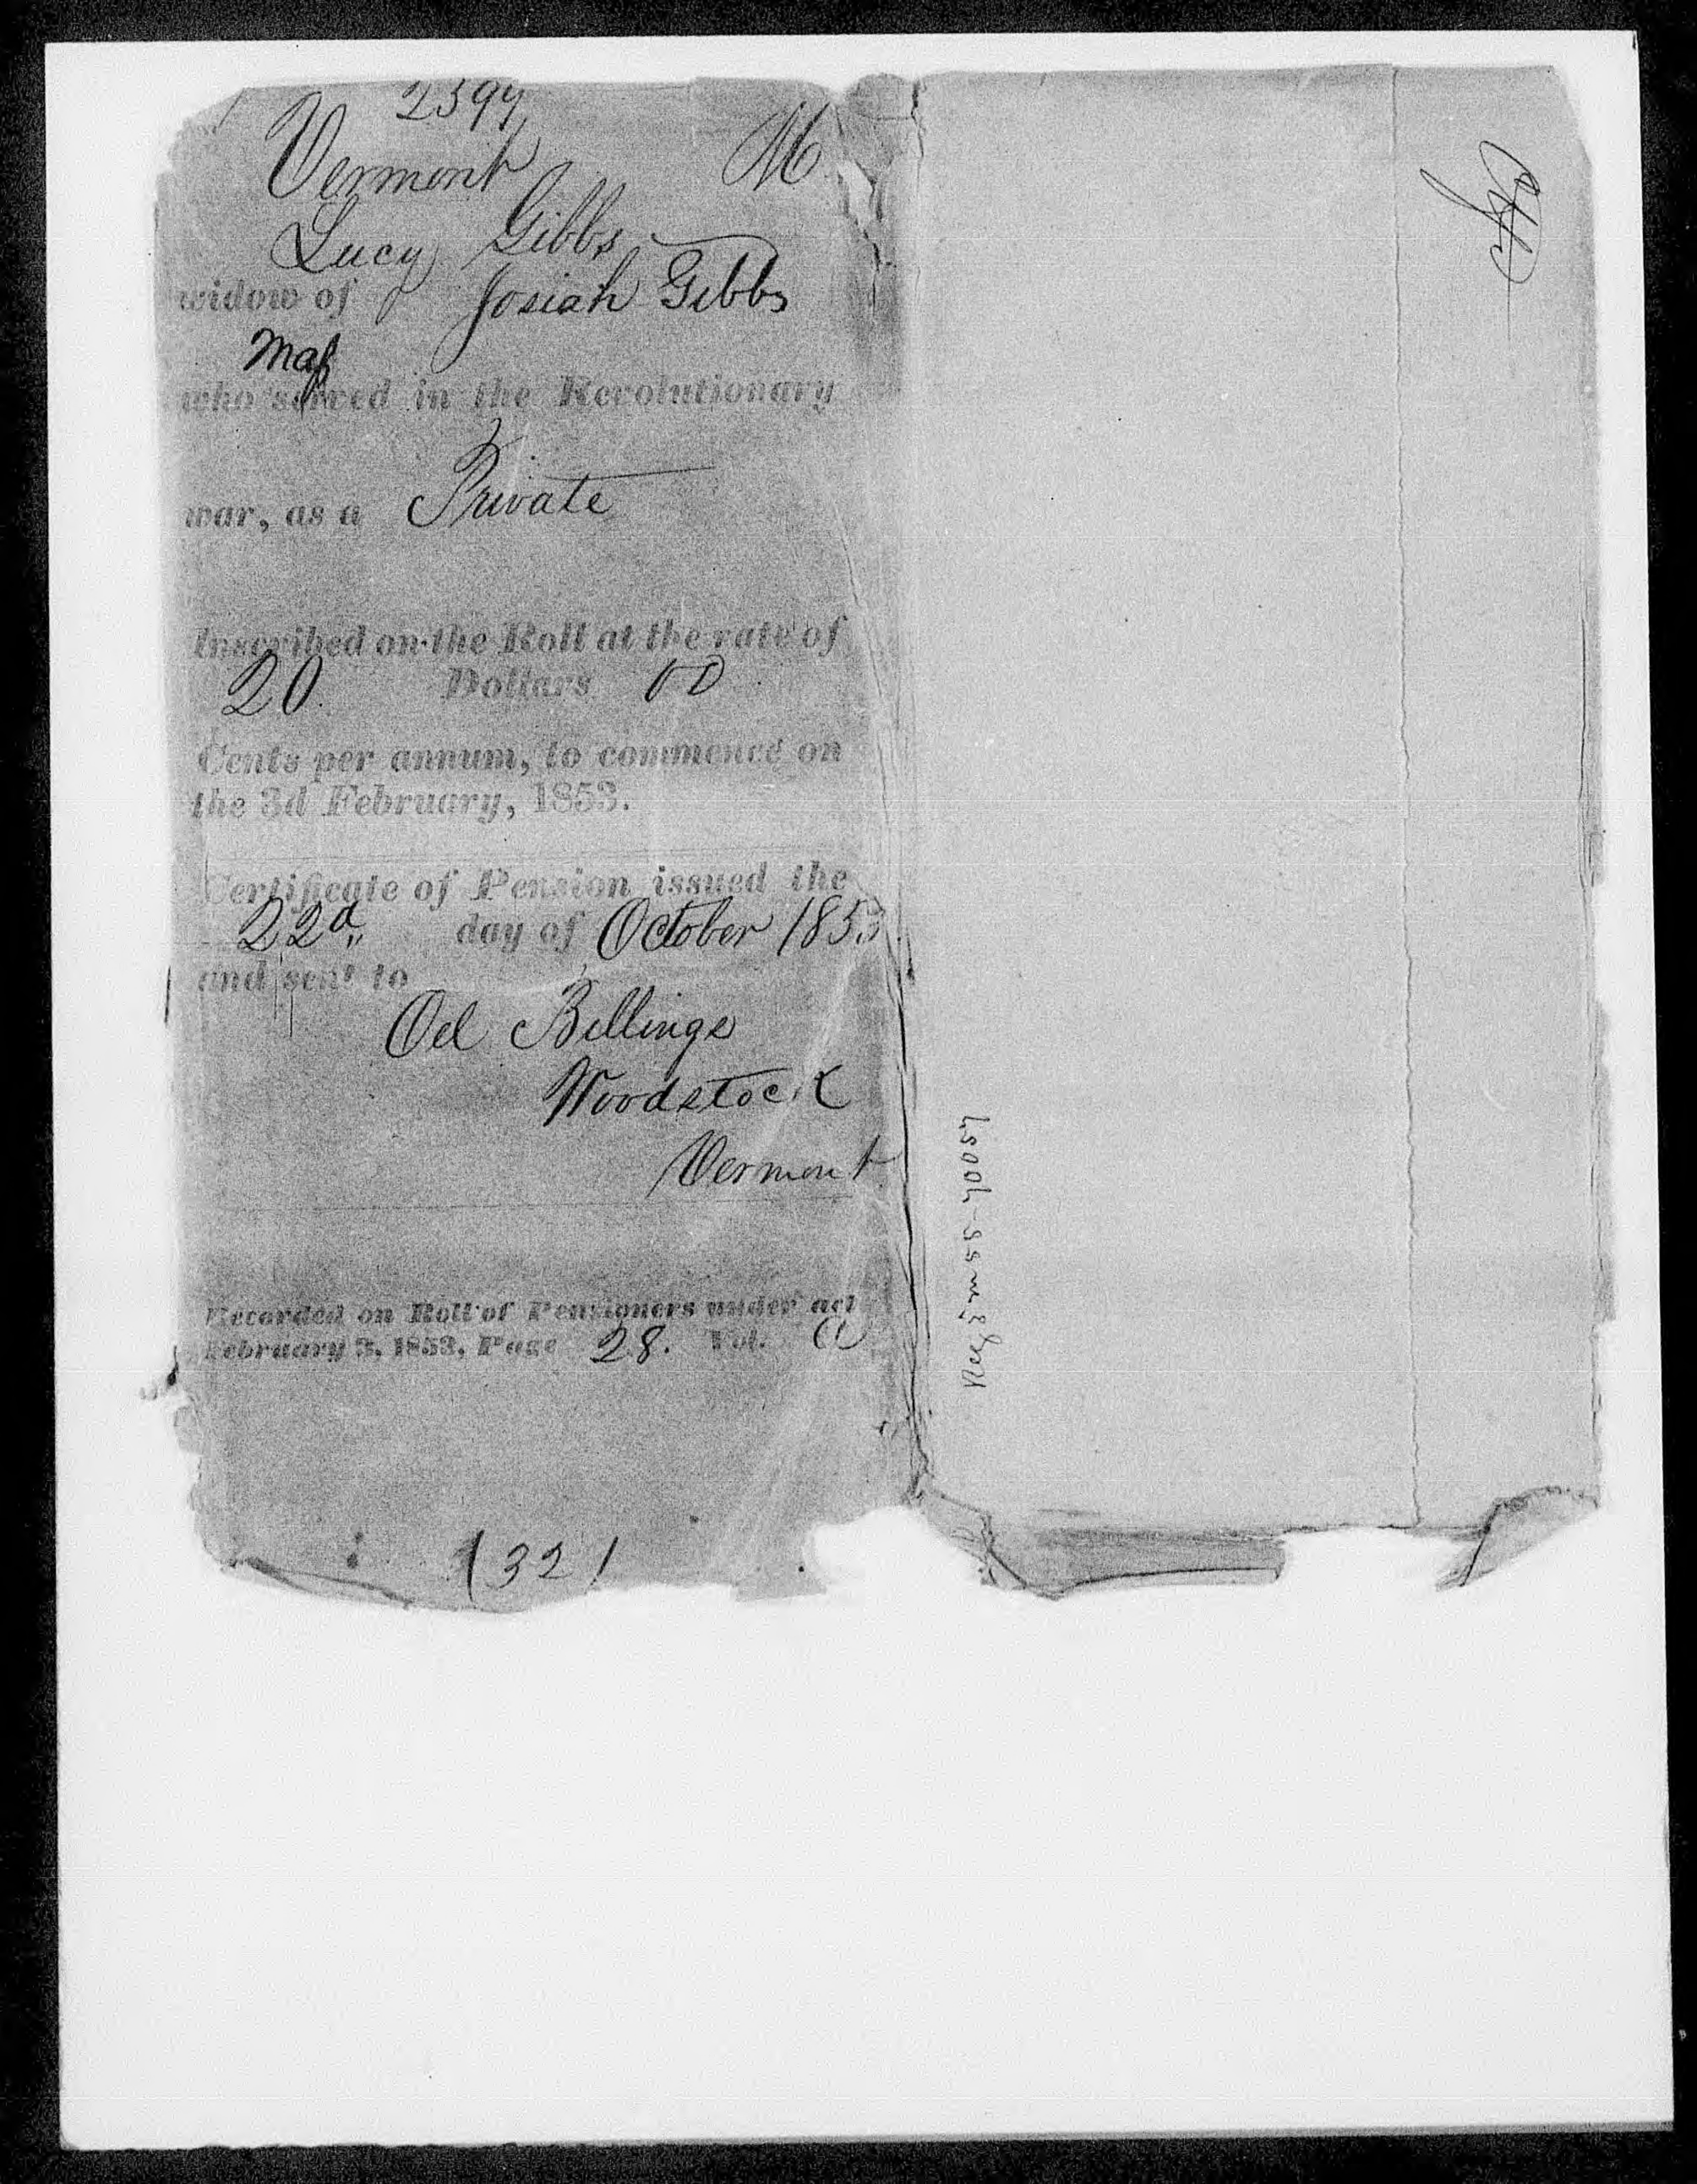2399
Vermont
Lucy Gibbs
widow of
Josiah Gibbs
who served in the Revolutionary war as a Private      Mass.
Inscribed on the Roll at the rate of
20   Dollars  00
Cents per annum, to commence on
the 3rd  February, 1853.
Certificate of Pension issued the
22d day of October 1853.
--Oel Billings
Woodstock
Vermont
Recorded on Roll of Pensioners under act
February 3, 1853, Page 28.  Vol. A
(32)
.............................................................
Reg 3m55  70057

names: Oel Billings, Josiah Gibbs, Lucy Gibbs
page: 3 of 33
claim: widow's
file: W. 4681, Josiah Gibbs, Mass